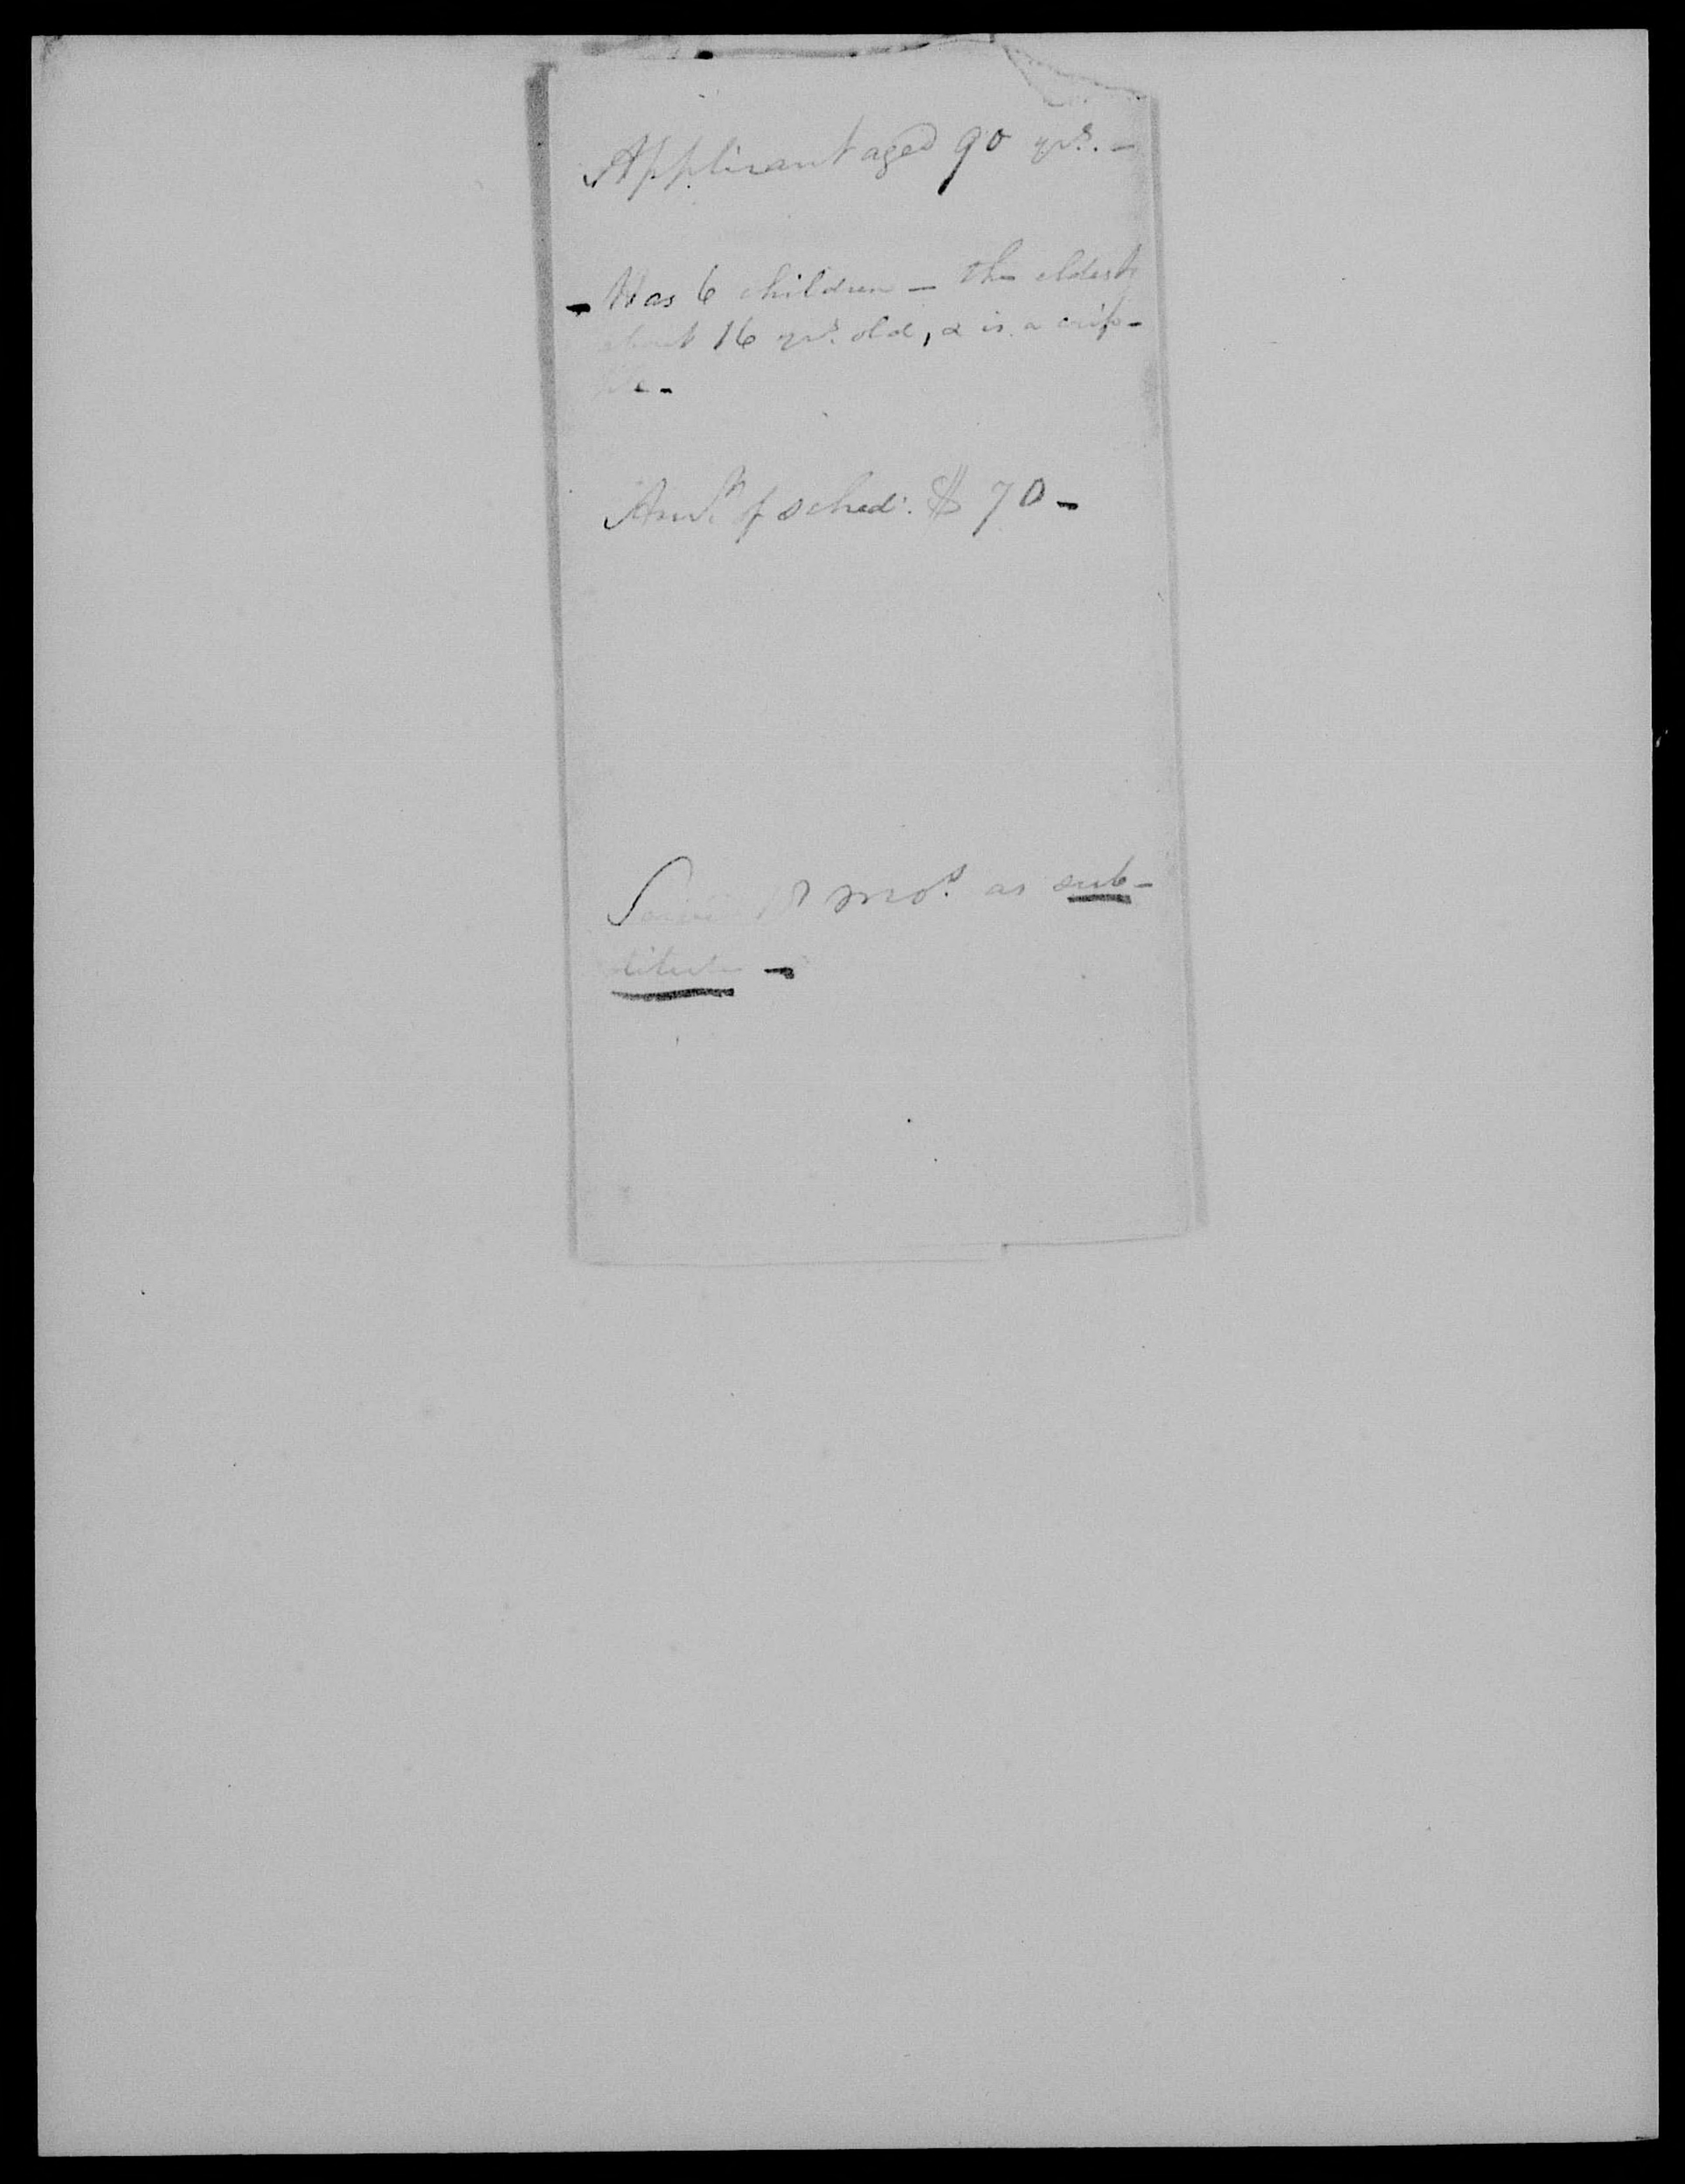Applicant aged 90 years
Has 6 children the oldest about 16 years old & is a certificate on file
Amount of schedule $70
Service 18 months as substitute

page: 13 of 21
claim: survivor's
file: S. 41223, for Joseph Sutton, Virginia